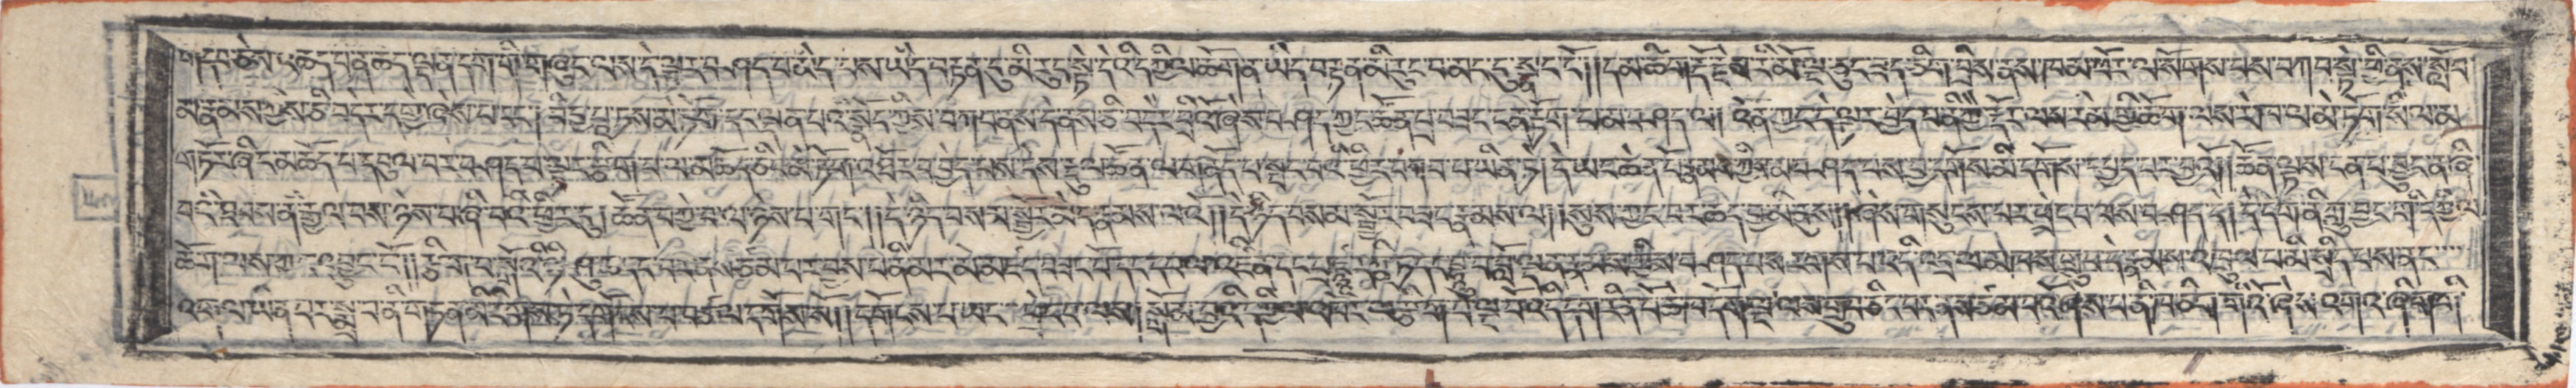གདབ་ཅེས་འཆད་པ་ནི་ཚད་ལྡན་དག་གི་གཞུང་ལས་དེ་ལྟར་བཤད་པ་མེད་པས་ཡིད་བརྟན་དུ་མི་རུང་སྟེ་དེའི་དཀྱིལ་ཆོག་ན་ཡིད་བརྟན་མི་རུང་བ་མང་དུ་སྣང་ངོ། །དམ་ཚིག་རྡོ་རྗེས་རི་མོ་ལྔ་ཅུང་ཟད་ཅིག་བྲིས་ནས་ཁམ་ཕོར་ལ་སོགས་པས་བཀབ་སྟེ་ཕྱི་ནས་སློབ་
མ་རྣམས་ཀྱིས་ཅི་བདེར་དགྱེ་ཞེས་པ་དང་། བིདྱ་པཱ་ཏས་མེ་ཏོག་དང་ལྡན་པའི་སྣོད་ཀྱིས་བཀབ་ནས་དེ་ནས་ཅི་བདེར་བྲིའོ་ཞེས་བཤད་ཀྱང་ཚོན་པྲ་བཟང་ངན་རྟོག་པ་མ་བཤད་ལ། འོན་ཀྱང་དེ་ལྟར་བྱེད་པ་ནི་ཀྱཻ་རྡོར་ལས་རིམ་གྱི་ཆོ་ག་ལས་རེ་ཁ་ལ་མེ་ཏོག་སིལ་མ་
གཏོར་ཞིང་མཆོད་པ་དབུལ་བར་བཤད་པ་ལྟར་རྩིག་པ་ལ་མཆོད་ཅིང་མེ་ཏོག་འཐོར་བ་བྱེད་པས་དེས་རྡུལ་ཚོན་ལ་གནོད་པ་སྤང་བའི་ཕྱིར་བཀབ་པ་ཡིན་ཏེ། དེ་ཡང་ཆེན་པོ་རྣམས་ཀྱིས་མ་བཤད་པས་བྱ་དགོས་མི་དགོས་དཔྱད་པར་བྱའོ། །ཚོན་ལྟས་ངན་པ་བྱུང་ན་ཞི་
བའི་ཐབས་ནི་རྒྱལ་བས་ཉེས་པ་ཞི་བའི་ཕྱིར་དུ། ཚོན་བཀྱེ་བ་ལ་ཉེས་པ་གང་། །དེ་ཉིད་བསམ་སྦྱོར་མེད་རྣམས་ལའོ། །དེ་ཉིད་བསམ་སྦྱོར་བཟང་རྣམས་ལ། །སུས་ཀྱང་བར་ཆད་བྱ་མི་ནུས། །ཞེས་གསུངས་པར་ཕྲེང་བ་ལས་བཤད་དེ། དེ་དག་ནི་ཀླུ་བྱང་གི་དཀྱིལ་
ཆོག་ལས་ཀྱང་འབྱུང་ངོ། །རྩིག་པ་སྒོའི་ཉི་ཤུ་ཆ་དང་བར་ནས་ཙམ་པར་བྱས་པ་ནི་མར་མེ་མཛད་བཟང་པོ་དང་དཔལ་འཛིན་དང་པྲཛྙཱ་རཀྵི་ཏ་དང་བྷཱུ་བ་བློ་ལྡན་རྣམས་ཀྱིས་བཤད་པས་རགས་པ་འདི་འདྲ་ལ་མཁས་གྲུབ་དེ་རྣམས་འཁྲུལ་པ་མི་སྲིད་པས་ནང་
འགལ་ཡིན་པར་སྨྲ་བ་ནི་གཏན་མི་རིགས་ཏེ་དགོངས་པ་བཙལ་དགོས་སོ། །དགོངས་པ་ཡང་ཕྲེང་བ་ལས། སྒོམ་བྱའི་དཀྱིལ་འཁོར་ལ་རྩིག་པ་ལྔ་པོ་འདི་དག་རིན་པོ་ཆེ་ཁ་དོག་ལྔ་ལས་གྲུབ་ཅིང་བར་ནས་ཙམ་པའོ་ཞེས་པ་ནི་ཁ་ཅིག་གིའོ་ཞེས་འགའ་ཞིག་གི་